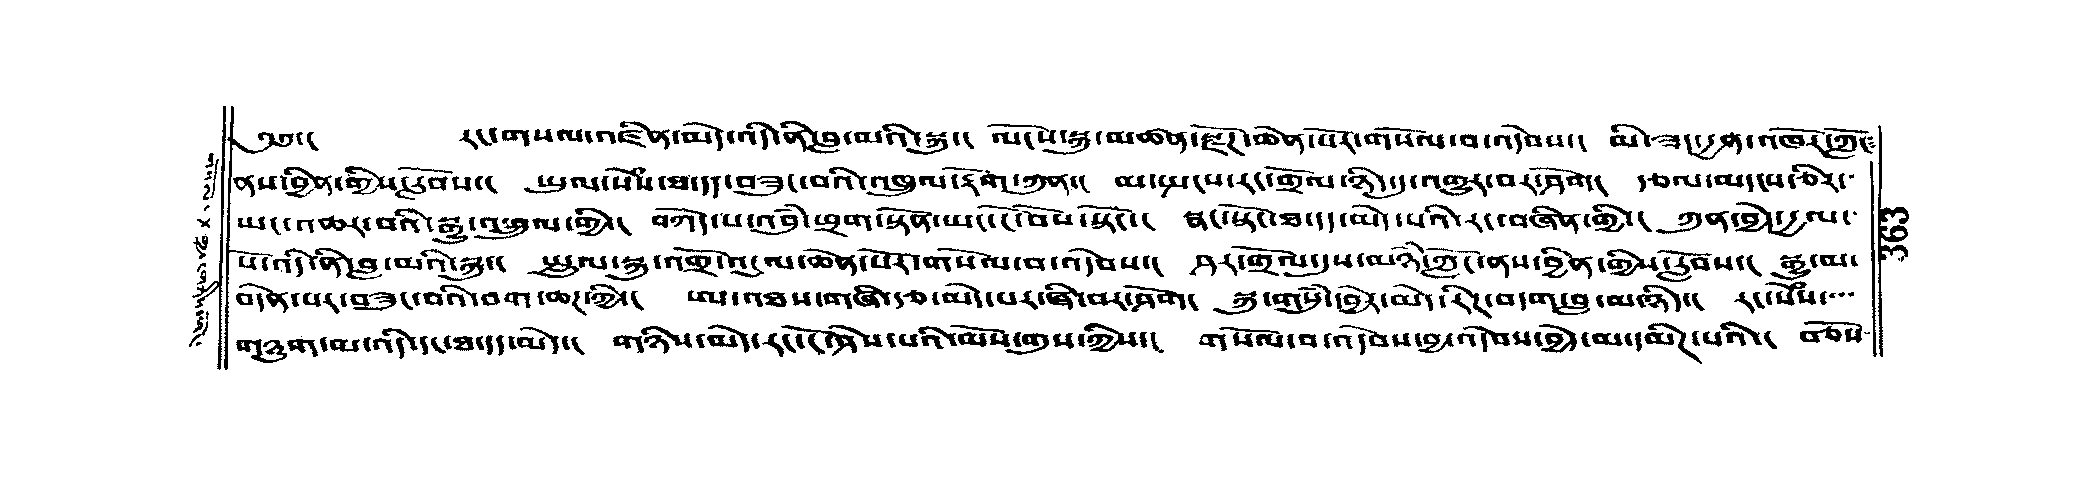།རང་གསལ་འཛིན་མེད་འདི་ནི་བླ་མའི་སྐུ། །ལོངས་སྐུ་མཚན་རྫོགས་ཆེན་པོར་གསོལ་བ་འདེབས། །མི་ཟད་རྒྱན་འཁོར་ཀློང་
ནས་བྱིན་གྱིས་རློབས། །ཡུལ་སེམས་ཐ་དད་བཟུང་བའི་འཁྲུལ་རྟོག་ཀུན། །མ་སྤངས་རང་གྲོལ་ཉིད་དུ་འགྱུར་བ་ཤོག །རྩལ་མདངས་ཅིར་
ཡང་འཆར་བའི་སྒྱུ་འཕྲུལ་གྱི། །བཀོད་པ་འབུམ་ཕྲག་སྟོན་ཡང་ངོ་བོས་སྟོང་། །སྣང་སྟོང་ཐ་དད་མེད་པའི་རང་བཞིན་གྱི། །ཀུན་བྱེད་རྒྱལ་
པོ་འདི་ནི་བླ་མའི་སྐུ། །སྤྲུལ་སྐུ་འགྲོ་འདུལ་ཆེན་པོར་གསོལ་བ་འདེབས། །ཤར་གྲོལ་དུས་མཉམ་ཀློང་ནས་བྱིན་གྱིས་རློབས། །སྒྱུ་མ་
བདེན་པར་བཟུང་བའི་བག་ཆགས་ཀྱི། །ཨ་འཐས་གཞི་རྩ་མེད་པར་ཞི་བར་ཤོག །སྐུ་གསུམ་དབྱེད་མེད་རིགས་བདག་བླ་མ་ཉིད། །རང་སེམས་
གཉུག་མ་འདི་དང་ཐ་དད་མེད། །གཉིས་མེད་རང་ངོ་ཤེས་པའི་མོས་གུས་ཀྱིས། །གསོལ་བ་འདེབས་བྱ་འདེབས་བྱེད་མ་དམིགས་པའི། །བཅོས་